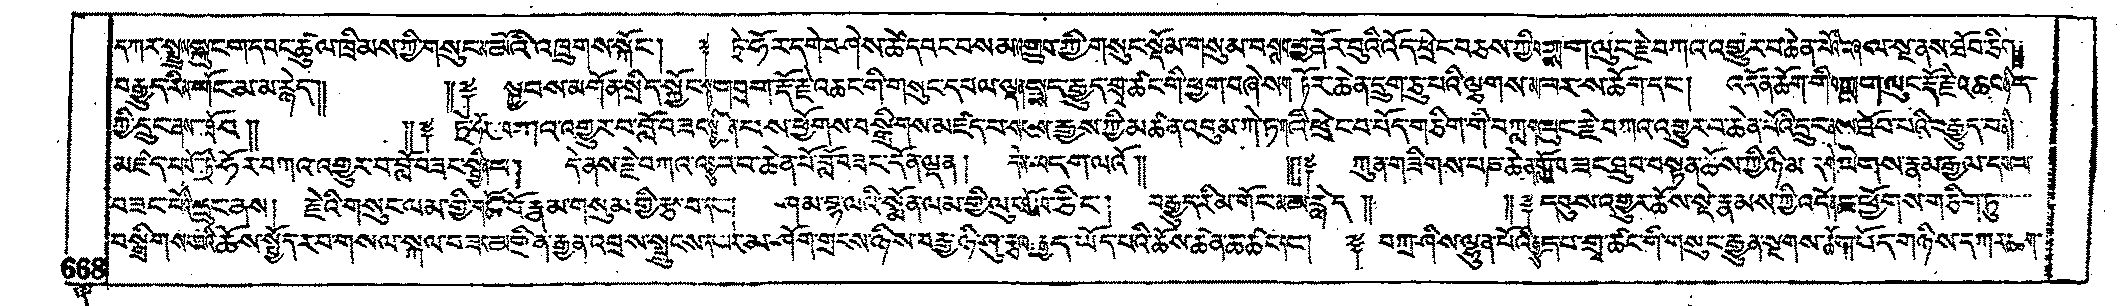དཀར་སྤྲུལ་སྐུ་ངག་དབང་ཚུལ་ཁྲིམས་ཀྱི་གསུང་མ་མོའི་འཁྲུགས་སྐོང་། འ་ཏྲེ་ཧོར་དགེ་བཤེས་ཚེ་དབང་བསམ་འགྲུབ་ཀྱི་གསུང་སྡོམ་གསུམ་བསླབ་བྱ་ནོར་བུའི་འོད་ཕྲེང་བཅས་ཀྱི་བཀླག་ལུང་རྗེ་བཀའ་འགྱུར་བ་ཆེན་པོའི་ཞལ་སྔ་ནས་ཐོབ་ཅིང་།
བརྒྱུད་རིམ་གོང་མ་མ་རྙེད།། །།འ་སྐྱབས་མགོན་སྲིད་སྐྱོང་སྟག་བྲག་རྡོ་རྗེ་འཆང་གི་གསུང་དཔལ་ལྡན་སྨད་རྒྱུད་གྲྭ་ཚང་གི་ཕྱག་བཞེས་གཏོར་ཆེན་དྲུག་ཅུ་པའི་ལྕགས་མཁར་ས་ཆོག་དང་། འདོན་ཆོག་གི་བཀླག་ལུང་རྡོ་རྗེ་འཆང་ཉིད་
ཀྱི་དྲུང་ནས་ཐོབ།། །།འ་ཏྲེ་ཧོར་བཀའ་འགྱུར་བ་བློ་བཟང་སྦྱིན་པས་ཕྱོགས་བསྒྲིགས་མཛད་པ་སངས་རྒྱས་ཀྱི་མཚན་འབུམ་ཀེ་ཏ་ཀའི་ཕྲེང་བ་པོད་གཅིག་གི་བཀླག་ལུང་རྗེ་བཀའ་འགྱུར་བ་ཆེན་པོའི་དྲུང་ནས་ཐོབ་པའི་བརྒྱུད་བ་ནི།
མཛད་པ་པོ་ཏྲེ་ཧོར་བཀའ་འགྱུར་བ་བློ་བཟང་སྦྱིན་པ། དེ་ནས་རྗེ་བཀའ་འགྱུར་བ་ཆེན་པོ་བློ་བཟང་དོན་ལྡན། དེས་བདག་ལའོ།། །།འ་ཀུན་གཟིགས་པཎ་ཆེན་བློ་བཟང་ཐུབ་བསྟན་ཆོས་ཀྱི་ཉི་མ་དགེ་ལེགས་རྣམ་རྒྱལ་དཔལ་
བཟང་པོའི་དྲུང་ནས། རྗེའི་གསུང་ལམ་གྱི་གཙོ་བོ་རྣམ་གསུམ་གྱི་རྩ་བ་དང་། ཤམ་བྷ་ལའི་སྨོན་ལམ་གྱི་ལུང་ཐོབ་ཅིང་། བརྒྱུད་རིམ་གོང་མ་མ་རྙེད།། །།འ་དབུས་འགྱུར་ཆོས་སྡེ་རྣམས་ཀྱི་འདོན་ཆ་ཕྱོགས་གཅིག་ཏུ་
བསྒྲིགས་པའི་ཆོས་སྤྱོད་རབ་གསལ་སྐལ་བཟང་མགྲིན་རྒྱན་འབྲས་སྤྲུངས་དཔར་མ་ཤོག་གྲངས་ཉིས་བརྒྱ་ཉི་ཤུ་རྩ་བརྒྱད་ཡོད་པའི་ཆོས་ཚན་ཆ་ཚང་དང་། འ་བཀྲ་ཤིས་ལྷུན་པོའི་རྒྱུད་པ་གྲྭ་ཚང་གི་གསུང་རྒྱུན་སྔགས་ཆོག་པོད་གཉིས་དཀར་ཆག་